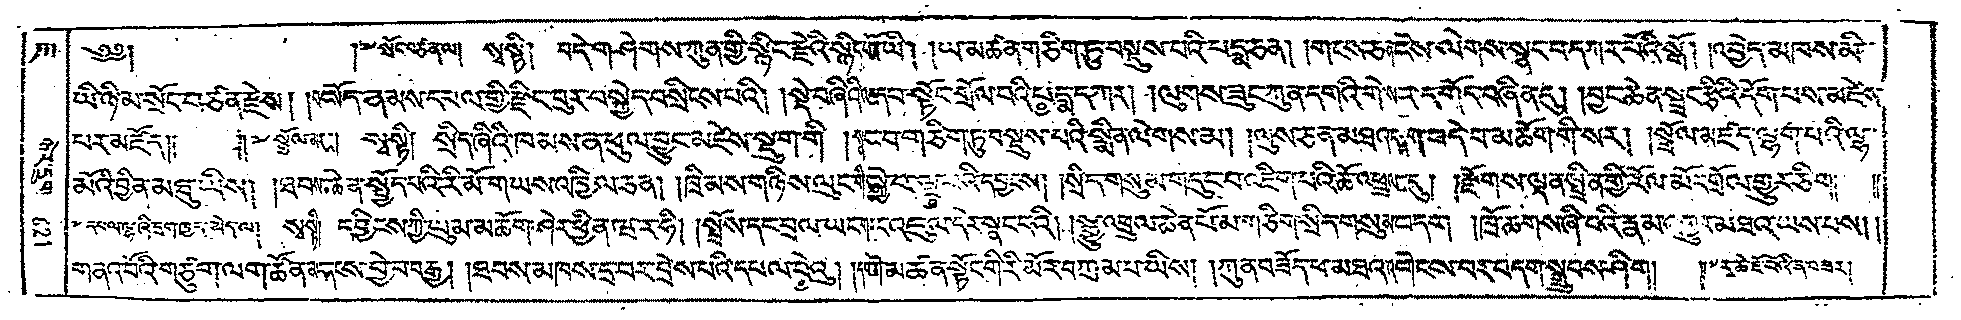༄༅། ། ༧སྲོང་བཙན་ལ།  སྭ་སྟི། བདེ་གཤེགས་ཀུན་གྱི་སྙིང་རྗེའི་སྙིང་པོ་ཡི། །ཡ་མཚན་གཅིག་ཏུ་བསྡུས་པའི་པདམ་ཅན། །གངས་ཅན་ངེས་ལེགས་སྣང་བ་དཀར་པོའི་སྒོ། །འབྱེད་མཁས་མི་
ཡི་ཉི་མ་སྲོང་བཙན་རྗེས། །བསོད་ནམས་དཔལ་གྱི་རྫིང་བུར་བསྐྱེད་བསྲིངས་པའི། །སྡེ་བཞིའི་འདབ་སྟོང་གྲོལ་བའི་པདམ྾་དཀར། །ལུགས་ཟུང་ཀུན་དགའི་གེ་སར་དགོད་བཞིན་དུ། །བྱང་ཆེན་སྦྲང་རྩིའི་དོག་པས་མཛེས་
པར་མཛོད།། །། ༧སྒྲོལ་མར།  སྭ་སྟི། སྲིད་ཞིའི་ཁམས་ན་ཕུལ་བྱུང་མཛེས་སྡུག་གི །སྣང་བ་གཅིག་ཏུ་བསྡུས་པའི་སྨིན་ལེགས་མ། །ལུས་ཅན་མཐའ་དག་བདེ་བ་མཆོག་གི་སར། །སྒྲོལ་མཛད་ལྷག་པའི་ལྷ་
མོའི་བྱིན་མཐུ་ཡིས། །ཐབས་ཆེན་སྤྱོད་པའི་རི་མོ་གཡས་འཁྱིལ་ཅན། །ཁྲིམས་གཉིས་ལུང་གི་སྐྱེ་བ་ལྔ྾་པའི་དབྱངས། །སྲིད་གསུམ་གདུང་བ་འཇིག་པའི་ཆོ་འཕྲུལ་དུ། །རྫོགས་ལྡན་སྤྲིན་གྱི་རོལ་མོར་གྲོལ་གྱུར་ཅིག ། །།
༧དཔལ་ལྷ་ཞི་དྲག་ཁྱད་མེད་ལ།  སྭ་སྟི། དབྱིངས་ཀྱི་ཡུམ་མཆོག་ཤེར་ཕྱིན་ཝ་ར་ཧི། །སྤྲོས་དང་བྲལ་ཡང་གང་འདུལ་དེར་སྣང་བའི། །སྒྱུ་འཕྲུལ་ཆེན་པོ་མ་གཅིག་སྲིད་གསུམ་བདག །ཁྲོ་ཆགས་ཞི་བའི་རྣམ་འགྱུར་མཐའ་ཡས་པས། །
གནའ་བོའི་གཙུག་ལག་ཚོན་མདངས་བྱེ་བ་བརྒྱ། །ཐབས་མཁས་དྲ་བར་བྲེས་པའི་དཔལ་བེའུ྾། །དགེ་མཚན་སྟོང་གི་རི་མོར་བཀྲམ་པ་ཡིས། །ཀུན་བཟོད་ཕ་མཐའ་འགེངས་པར་བདག་སྒྲུབས་ཤིག ། །།༧རྭ་ཆེ་ཇོ་བོའི་ན་བཟར།